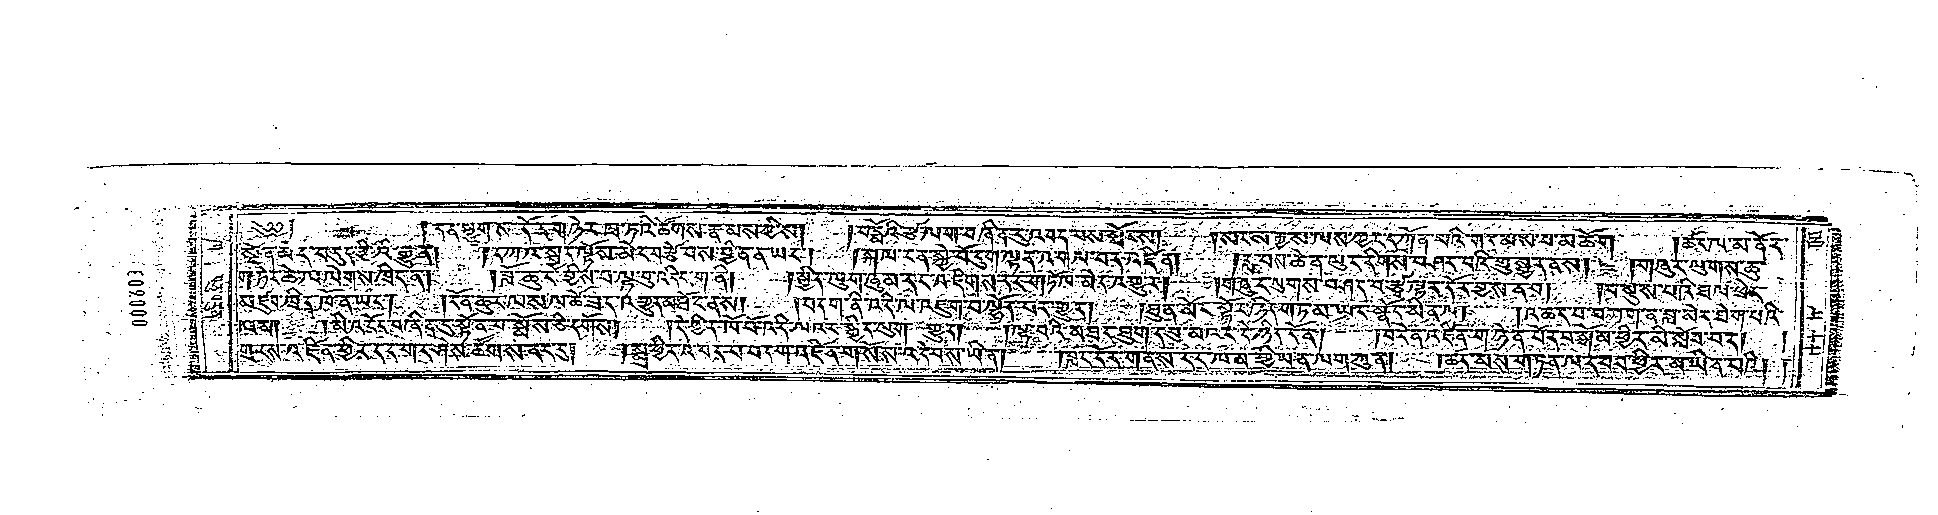༄༅། །ངན་སྐྱུགས་དོན་གཉེར་ཁྭ་ཏའི་ཚོགས་རྣམས་ཀྱིས། །པདམོའི་རྩ་ལག་བཞིན་དུ་འབད་པས་གྲོངས། །སངས་རྒྱས་ལས་ཀྱང་དཀོན་པའི་གདམས་པ་མཆོག །ཚང་ལ་མ་ནོར་
སྔོན་མེད་བདུད་རྩིའི་རྒྱུན། །དཀའ་སྦྱང་ལྟོས་མེད་བརྩེ་བས་བྱིན་ན་ཡང་། །སྐལ་ངན་སྐྱེ་བོ་དུག་ལྟར་འགལ་བར་འཛིན། །རླབས་ཆེན་ལུང་རིགས་བཤད་བའི་གྲུ་སྦྱར་ནས། །གཞུང་ལུགས་ཆུ་
གཏེར་ཆེ་ལ་ལེགས་ཁྲིད་ན། །བློ་ཆུང་བྱིས་བ་ལྟ་བུ་འདིར་ག་ནི། །སྒྱིད་ལུག་ཞུ་མ་དང་འཇིགས་དང་གཏོལ་མེད་འགྱུར། །གཞུང་ལུགས་བཤད་བ་རྩྭ་ལྟར་དོར་བྱས་ནབ། །བསྡུས་པའི་ཐལ་ཕྲེང་
མཛུབ་ཁྲིད་ཁོ་ན་ཡང་། །དོན་ཆུད་ལས་ལ་ཚེ་ཟད་འགྱུར་མཐོང་ནས། །བདག་ནི་འདི་ལ་འཇུག་བ་ལྷོད་པར་གྱུར། །ཐུན་མོང་སྟོང་ཉིད་གཏམ་ཡང་སྣོད་མིན་ལ། །འཆད་པ་བཀག་ན་བླ་མེད་ཐེག་པའི་
ལམ། །མི་འདོད་བཞིན་དུ་སྟོན་པ་སྨོས་ཅི་དགོས། །དེ་ཕྱིར་ཁོ་བོ་འདི་ལའང་སྒྱིད་ལུག་གྱུར། །ལྟ་བའི་མཐར་ཐུག་དབུ་མའང་དེ་ཉིད་དོན། །བདེན་འཛིན་གཉེན་པོར་བསྒོམ་ཕྱིར་མི་སློབ་བར། །
གྲངས་འཛིན་ཕྱིར་དང་གང་ཤེས་ཚོགས་ནང་དུ། །སྨྲ་ཕྱིར་འབད་པ་བདག་འཛིན་གསོས་འདེབས་ཡིན། །བླང་དོར་གནས་དང་ལམ་གྱི་ཡན་ལག་ཀུན། །ཚད་མས་གཏན་ལ་དབབ་ཕྱིར་མ་ཡིན་པའི། །